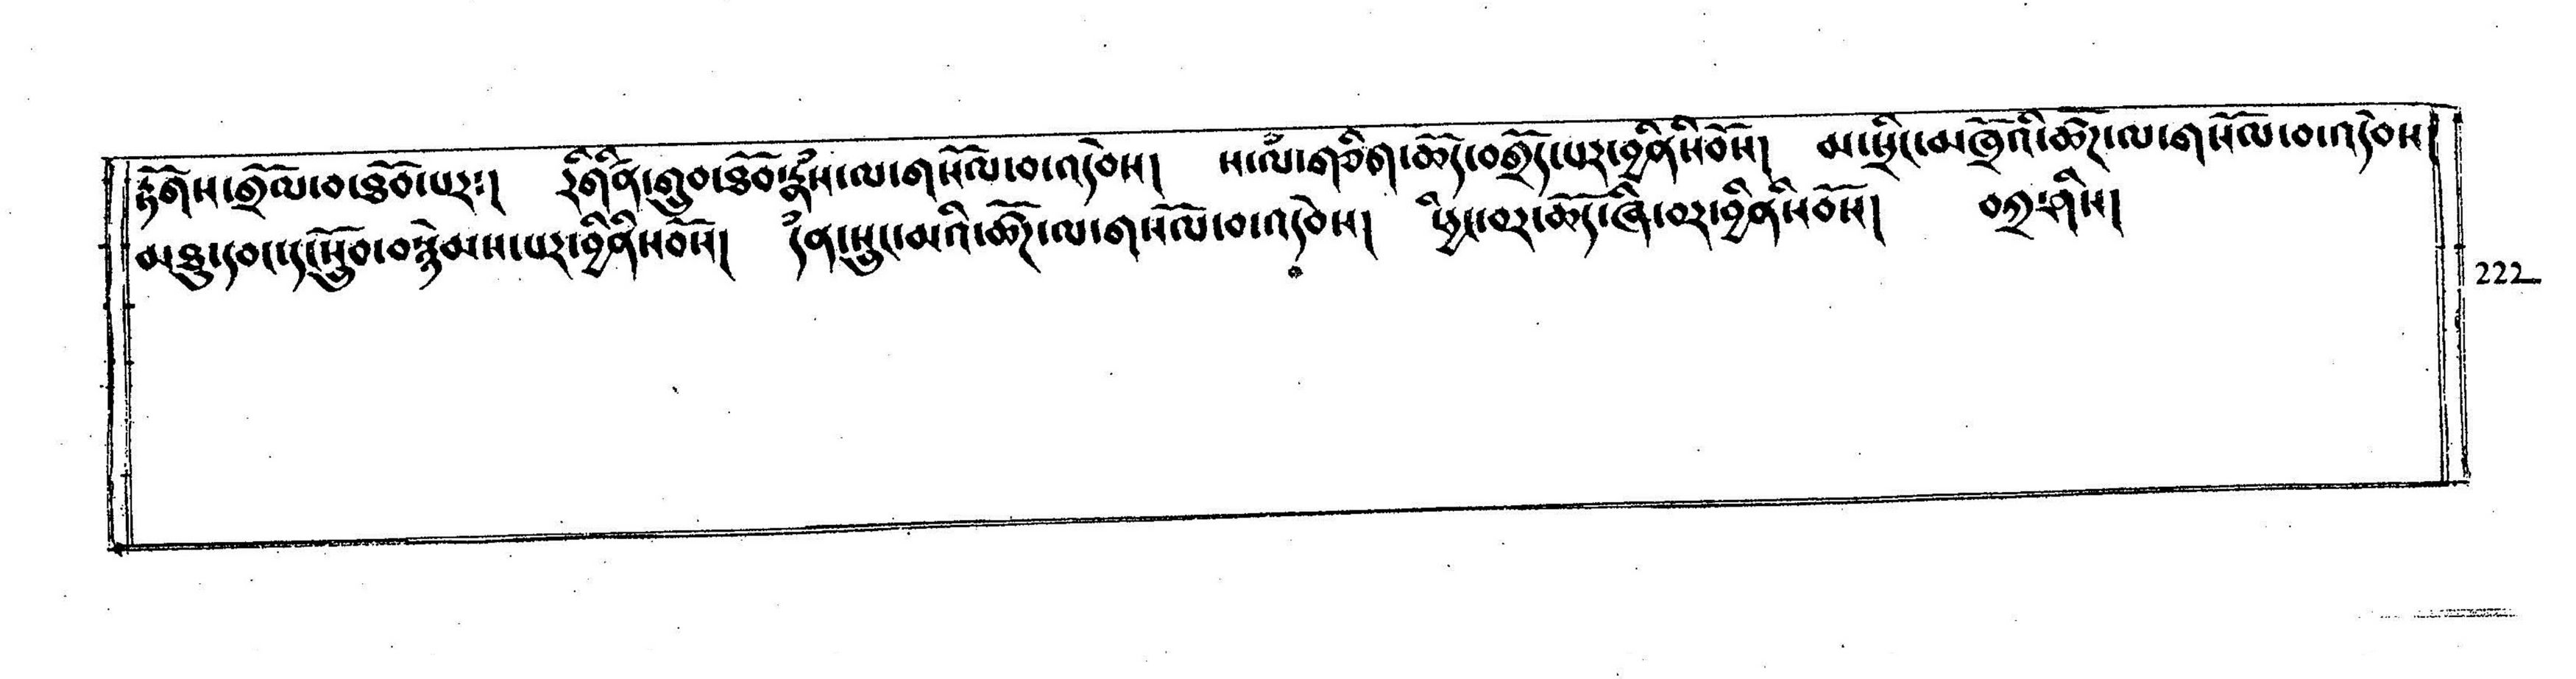རྟོགས་གྲོལ་བ་ཐོབ་པར༴། རིག་འཛིན་གྲུབ་ཐོབ་རྣམས་ལ་གསོལ་བ་འདེབས། ས་ལམ་གཅིག་ཆོད་བགྲོད་པར་བྱིན་གྱིས་རློབས། མ་སྲིང་མཁའ་འགྲོའི་ཚོགས་ལ་གསོལ་བ་འདེབས། 
མཐུ་དབང་དངོས་གྲུབ་བསྙེམས་པར་བྱིན་གྱིས་རློབས། དམ་ཅན་སྲུང་མའི་ཚོགས་ལ་གསོལ་བ་འདེབས། ཕྱི་ནང་བར་ཆོད་ཞི་བར་བྱིན་གྱིས་རློབས། བཀྲ་ཤིས།